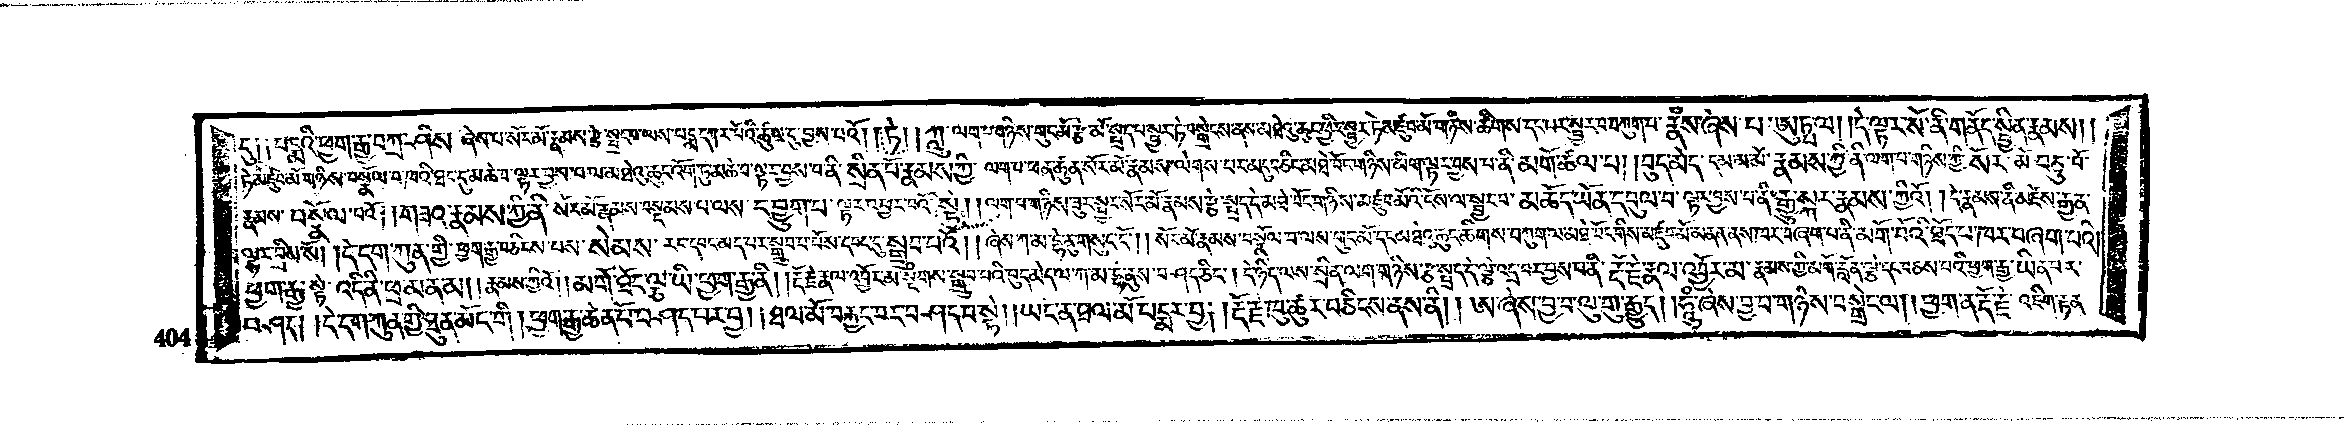དུ། །པདམའི་ཕྱག་རྒྱ་བཀྲ་ཤིས་ཞེས་པ་སོར་མོ་རྣམས་རྩེ་སྤྲད་པ་ལས་པདམ་དཀར་པོའི་ཚུལ་དུ་བྱས་པའོ།  །ཏེ། །ཀླུ་ལག་པ་གཉིས་གུང་མོ་རྩེ་མོ་སྤྲད་པ་སྦྱར་ཏེ་བསྒྲེངས་ནས་མཐེའུ་ཆུང་ཕྱིར་སྦྱར་ཏེ་མཛུབ་མོ་གཉིས་ཚིགས་དང་པོར་སྦྱར་བ་བཀུག་པ་རྣམས་ཞེས་པ་ཨུཏྤ་ལ། །དེ་ལྟར་སོ་ནི་གནོད་སྦྱིན་རྣམས། །
ཏེ་མཛུབ་མོ་གཉིས་བསྣོལ་?་བ་ཁའི་ཐང་དུ་མཆེ་བ་ལྟར་བྱས་པ་ལ་མཐེའུ་ཆུང་འོག་ཏུ་མཆེ་བ་ལྟར་བྱས་པ་ནི་སྲིན་པོ་རྣམས་ཀྱི་ལག་པ་ཕན་ཚུན་སོར་མོ་རྣམས་ལེགས་པར་མདུད་ཅིང་མཐེ་བོང་གཉིས་མིག་ལྟར་བྱས་པ་ནི་མགོ་ཚལ་པ། །བུད་མེད་དམ་མ་མོ་རྣམས་ཀྱི་ནི་ལག་པ་གཉིས་ཀྱི་སོར་མོ་བཅུ་པོ་
རྣམས་བསྣོལ་བའོ།  །གཟའ་རྣམས་ཀྱི་ནི་སོར་མོ་རྣམས་བསྡམས་པ་ལས་དབྱུག་པ་ལྟར་འཕྱར་བའོ་སྟེ། །ལག་པ་གཉིས་ཟུར་སྦྱར་སོར་མོ་རྣམས་རྩེ་སྤྲད་དེ་མཐེ་བོང་གཉིས་མཛུབ་མོའི་ངོས་ལ་སྦྱར་བ་མཆོད་ཡོན་དབུལ་བ་ལྟར་བྱས་པ་ནི་རྒྱུ་སྐར་རྣམས་ཀྱིའོ། །དེ་རྣམས་ནི་མཛས་རྒྱན་
ལྟར་བྲིས་སོ། །དེ་དག་ཀུན་གྱི་ཕྱག་རྒྱ་བཅིངས་པས་སེམས་རང་དབང་མེད་པར་སྒྲུབ་པ་པོས་དབང་དུ་སྒྲུབ་པའོ། །ཞེས་ཀ་མ་དྷེ་ནུ་གསུང་ངོ། །སོར་མོ་རྣམས་བསྣོལ་བ་ལས་གུང་མོ་དང་མཐེའུ་ཆུང་ཚིགས་བཀུག་ལ་མཐེ་བོང་གིས་མཛུབ་མོ་མནན་ནས་ཁར་བཞག་པ་ནི་མགོ་བོའི་ཐོད་པ་ཁར་བཞག་པའི།
ཕྱག་རྒྱ་སྟེ་འདི་ནི་ཕྲ་མེན་མ། །རྣམས་ཀྱིའོ།  །མགོ་ཐོང་ལྕ་ཡི་ཕྱག་རྒྱ་ནི། །རྡོ་རྗེ་རྣལ་འབྱོར་མ་སྔགས་སྒྲུབ་པའི་བུད་མེད་ལ་ཀ་མ་དྷེ་ནུས་བཤད་ཅིང་། དེ་ཉིད་ལས་སྲིན་ལག་གཉིས་རྩ་སྤྲད་དེ་ལྕེ་འདྲ་བར་བྱས་པ་ནི་རྡོ་རྗེ་རྣལ་འབྱོར་མ་རྣམས་ཀྱི་མགོ་རློན་ལྕེ་དང་བཅས་པའི་ཕྱག་རྒྱ་ཡིན་པར
བཤད། །དེ་དག་ཀུན་གྱི་ཐུན་མོང་གི །ཕྱག་རྒྱ་ཆེན་པོ་བཤད་པར་བྱ། །ཐལ་མོ་བརྐྱང་བར་བཤད་པ་སྟེ། །ཡང་ན་ཐལ་མོ་པདམར་བྱ། །རྡོ་རྗེ་ཁུ་ཚུར་བཅིངས་ནས་ནི། །ཨ་ཞེས་བྱ་བ་ལུ་གུ་རྒྱུད། །ཧཱུཾ་ཞེས་བྱ་བ་གཉིས་བསྒྲེང་ལ། །ཕྱག་ན་རྡོ་རྗེ་འཇིག་རྟན་